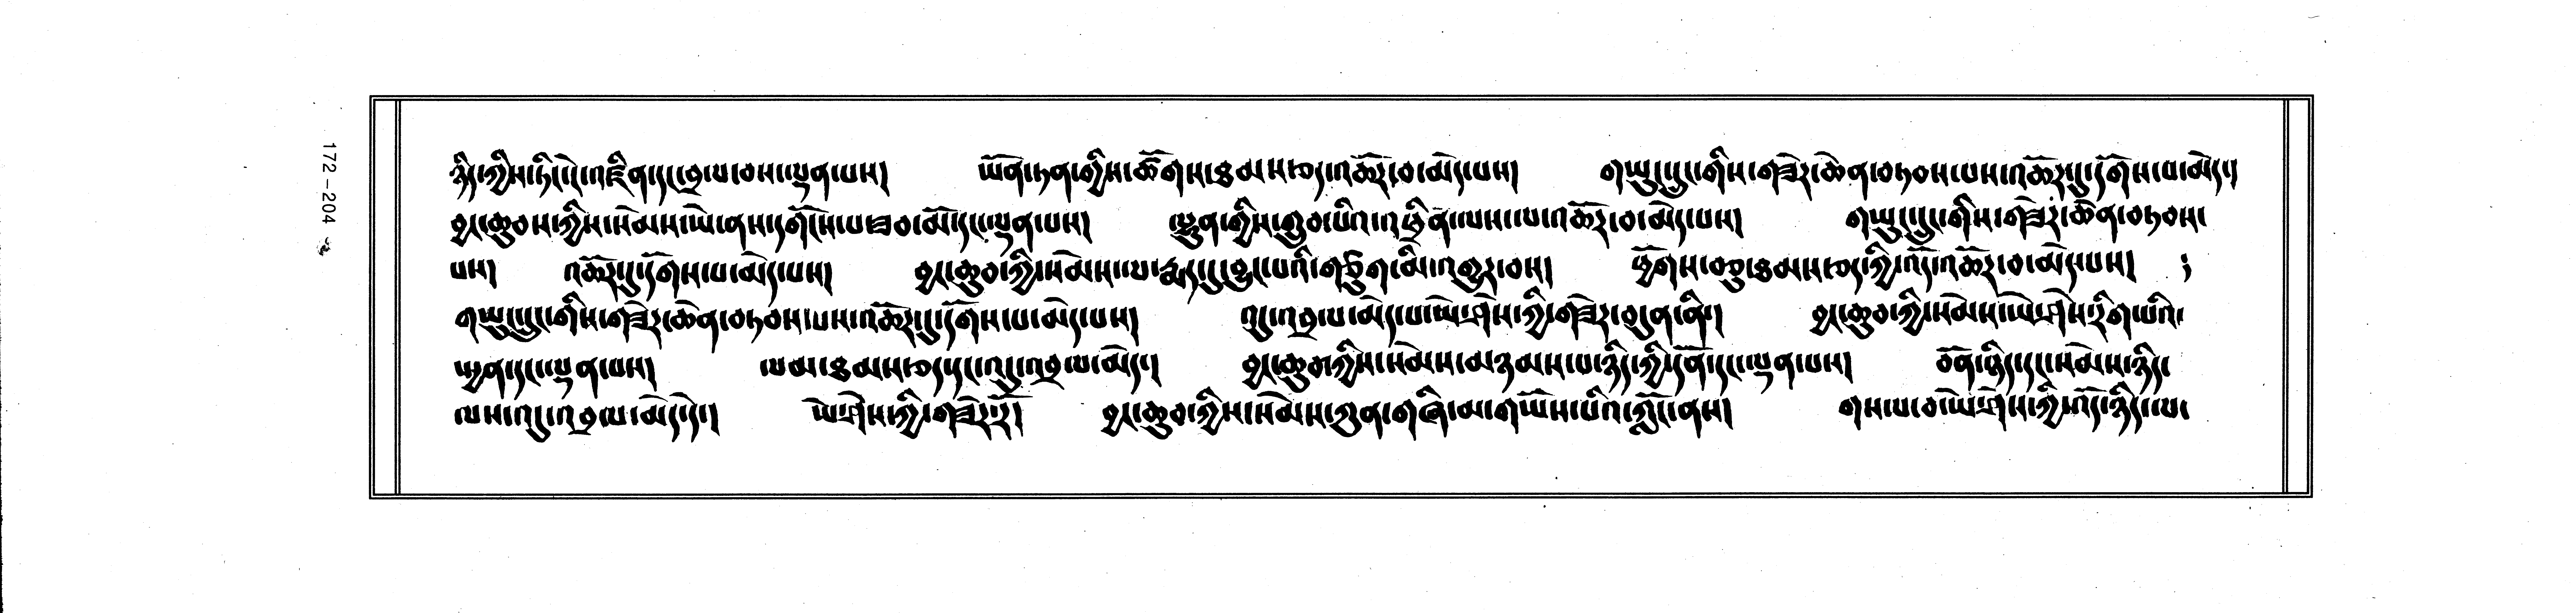ཉིད་ཀྱིས་ཏིང་ངེ་འཛིན་དང་བྲལ་བས་ལྡན་པས། ཡོན་ཏན་གྱིས་ཚོགས་ཐམས་ཅད་འཆོར་བ་མེད་པས། གཡུང་དྲུང་གིས་གཟེར་ཆེན་བཏབས་པས་འཆོར་དུ་དོགས་པ་མེད། 
བྱང་ཆུབ་ཀྱིས་སེམས་ཡེ་ནས་དགོངས་པ་ཟབ་མོ་དང་ལྡན་པས། ལྷུན་གྱིས་གྲུབ་པའི་འཕྲིན་ལས་ལ་འཆོར་བ་མེད་པས། གཡུང་དྲུང་གིས་གཟེར་ཆེན་བཏབས་
པས། འཆོར་དུ་དོགས་པ་མེད་པས། བྱང་ཆུབ་ཀྱིས་སེམས་ལ་རྨད་དུ་བྱུང་པའི་གཙུག་མི་འགྱུར་བས། ཕྱོགས་བཅུ་ཐམས་ཅད་ཀྱི་འོད་འཆོར་བ་མེད་པས། 
གཡུང་དྲུང་གིས་གཟེར་ཆེན་བཏབས་པས་འཆོར་དུ་དོགས་པ་མེད་པས། འདུ་འབྲལ་མེད་པ་ཡེ་ཤེས་ཀྱི་གཟེར་བདུན་ནི། བྱང་ཆུབ་ཀྱིས་སེམས་ཡེ་ཤེས་རིག་པའི་
སྤྱན་དང་ལྡན་པས། ལམ་ཐམས་ཅད་དང་འདུ་འབྲལ་མེད། བྱང་ཆུབ་ཀྱིས་སེམས་མཉམས་པ་ཉིད་ཀྱི་དོན་དང་ལྡན་པས། བོན་ཉིད་དང་སེམས་ཉིད་
ལས་འདུ་འབྲལ་མེད་དེ། ཡེ་ཤེས་ཀྱི་གཟེར་རོ། བྱང་ཆུབ་ཀྱིས་སེམས་ཀུན་གཞི་མ་གཡོས་པའི་ཀློང་ནས། གསལ་བ་ཡེ་ཤེས་ཀྱི་འོད་ཉིད་ལ་